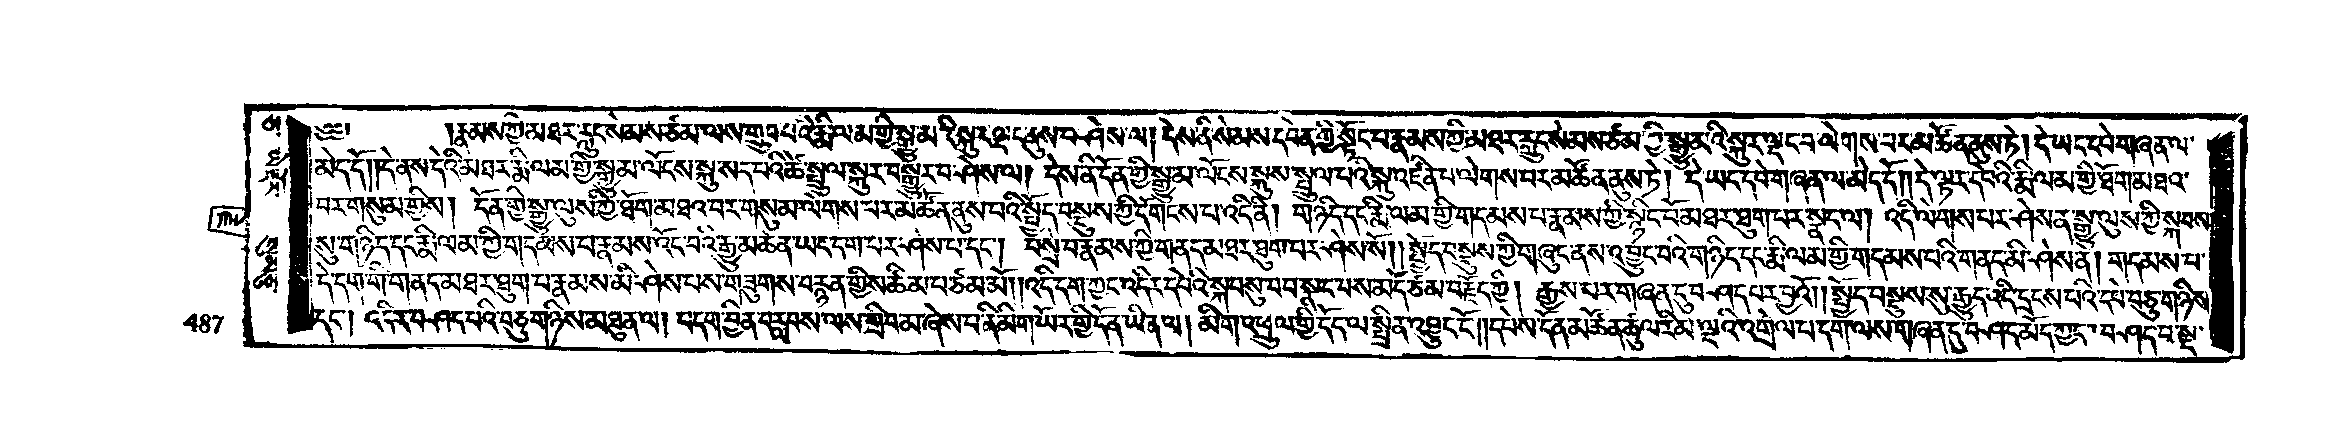༄༅། །རྣམས་ཀྱི་མཐར་རླུང་སེམས་ཙམ་ལས་གྲུབ་པའི་རིམ་ལམ་གྱི་སྒྱུ་མའི་སྐུར་ལྡང་ནུས་པ་ཤེས་ལ། དེས་ནི་སེམས་དབེན་གྱི་སྟོང་པ་རྣམས་ཀྱི་མཐར་རླུང་སེམས་ཙམ་གྱི་སྒྱུ་མའི་སྐུར་ལྡང་བ་ལེགས་པར་མཚོན་ནུས་ཏེ། དེ་ཡང་དཔེ་གཞན་ལ་
མེད་དོ། །དེ་ནས་དེའི་མཐར་རྨི་ལམ་གྱི་སྒྱུ་མ་ལོངས་སྐུ་སད་པའི་ཚེ་སྤྲུལ་སྐུར་བསྒྱུར་བ་ཤེས་ལ། དེས་ནི་དོན་གྱི་སྒྱུ་མ་ལོངས་སྐུས་སྤྲུལ་པའི་སྐུ་འཛིན་པ་ལེགས་པར་མཚོན་ནུས་ཏེ། དེ་ཡང་དཔེ་གཞན་ལ་མེད་དོ། །དེ་ལྟར་དཔེའི་རྨི་ལམ་གྱི་ཐོག་མཐའ་
བར་གསུམ་གྱིས། དོན་གྱི་སྒྱུ་ལུས་ཀྱི་ཐོག་མཐའ་བར་གསུམ་ལེགས་པར་མཚོན་ནུས་པའི་སྤྱོད་བསྡུས་ཀྱི་དགོངས་པ་འདི་ནི། གཉིད་དང་རྨི་ལམ་གྱི་གདམས་པ་རྣམས་ཀྱི་སྙིང་པོ་མཐར་ཐུག་པར་སྣང་ལ། འདི་ལེགས་པར་ཤེས་ན་སྒྱུ་ལུས་ཀྱི་སྐབས་
སུ་གཉིད་དང་རྨི་ལམ་གྱི་གདམས་པ་རྣམས་འོང་བའི་རྒྱུ་མཚན་ཡང་དག་པར་ཤེས་པ་དང་། བསྲེ་བ་རྣམས་ཀྱི་གནད་མཐར་ཐུག་པར་ཤེས་སོ། །སྤྱོད་བསྡུས་ཀྱི་གཞུང་ནས་འབྱུང་བའི་གཉིད་དང་རྨི་ལམ་གྱི་གདམས་པའི་གནད་མི་ཤེས་ན། གདམས་པ་
དེ་དག་གི་གནད་མཐར་ཐུག་པ་རྣམས་མི་ཤེས་པས་གཟུགས་བརྙན་གྱིས་ཚིམ་པ་ཙམ་མོ། །འདི་དག་ཀྱང་འདིར་དཔེའི་སྐབས་སུ་བབ་སྣང་བས་མདོ་ཙམ་བརྗོད་ཀྱི། རྒྱས་པར་གཞན་དུ་བཤད་པར་བྱའོ། །སྤྱོད་བསྡུས་སུ་རྒྱུད་འདི་དྲངས་པའི་དཔེ་བཅུ་གཉིས་
དང་། འདིར་བཤད་པའི་བཅུ་གཉིས་མཐུན་ལ། བདག་བྱིན་བརླབས་ལས་གྲིབ་མ་ཞེས་པ་ནི་མིག་ཡོར་གྱི་དོན་ཡིན་ལ། མིག་འཕྲུལ་གྱི་དོད་ལ་སྤྲིན་འབྱུང་ངོ། །དཔེས་དོན་མཚོན་ཚུལ་རིམ་ལྔའི་འགྲེལ་པ་དག་ལས་གཞན་དུ་བཤད་མོད་ཀྱང་། བཤད་པ་སྔ་